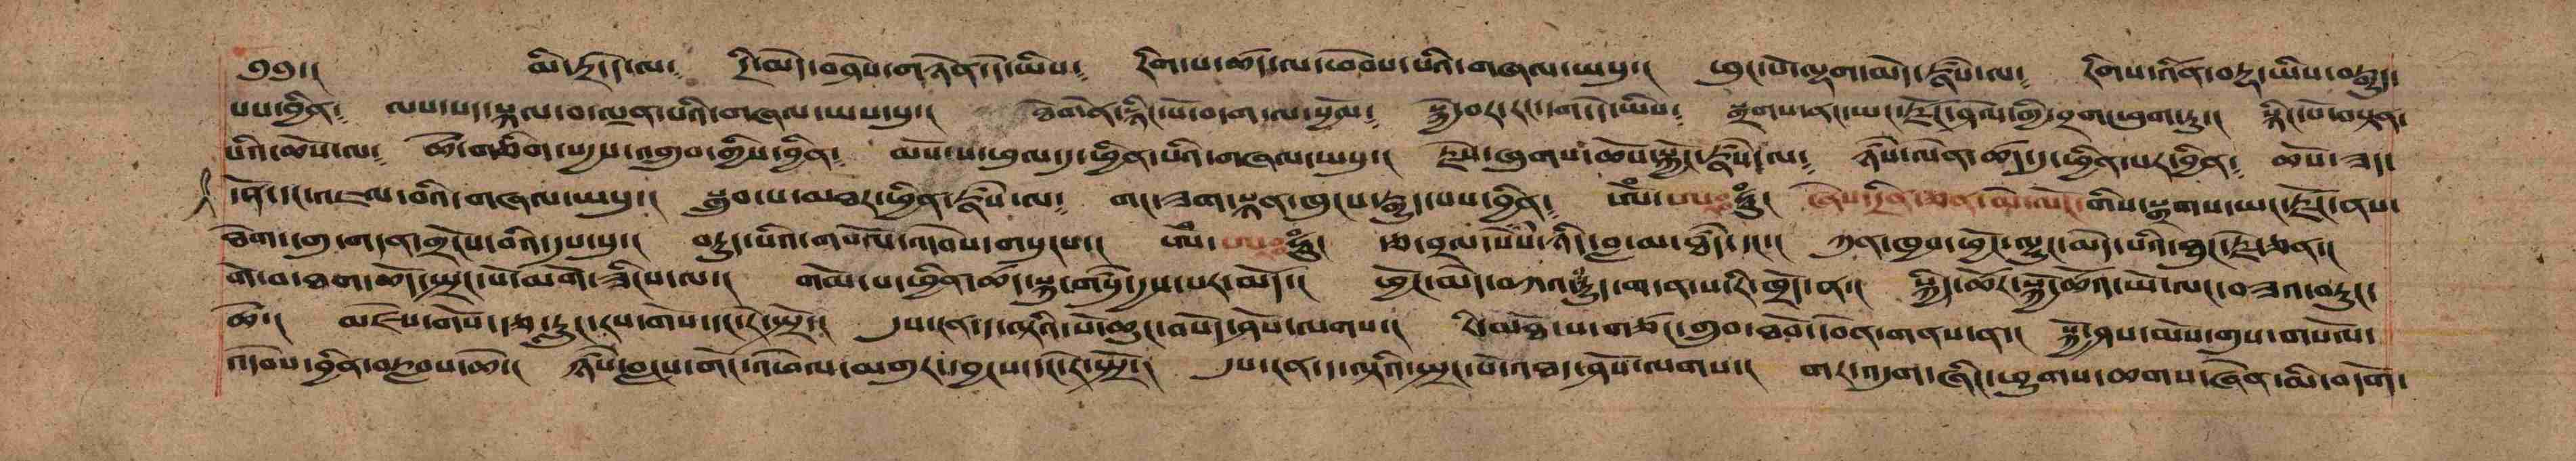༄༅་། མི་ཏྲ་དེ་ལ་གསོལ་བ་འདེབས། དྲི་མེད་བཤེས་གཉེན་དེ་ཡིས་བྱིན་གྱིས་བརློབས། རིག་པ་ཚད་ལ་ཕེབས་པའི་གཞལ་ཡས་སུ། ཕུང་པོ་ལྷག་མེད་རྣམས་ལ་གསོལ་བ་འདེབས། རིགས་འཛིན་བརྡ་ཡིས་བརྒྱུད་
པས་བྱིན་གྱིས་བརློབས། ལས་སད་སྐལ་བ་ལྡན་པའི་གཞལ་ཡས་སུ། ཐེག་ཆེན་སྣིང་པོ་བདག་ལ་གསོལ་བའདེབས། སྐྱེ་བར་རང་དག་དེ་ཡིས་བྱིན་གྱིས་བརློབས། སྒྲགས་ནང་ཡང་རྫོང་ཤེལ་གྱི་བྲག་ཕུག་ཏུ། སྙིང་པོ་བསྟན་
པའི་ཆོས་ལ་གསོལ་བ་འདེབས། ཚེ་གཅིག་སངས་རྒྱས་འགྲུབ་གྱིས་བྱིན་གྱིས་བརློབས། མོས་པ་ཕུལ་དུ་ཕྱིན་པའི་གཞལ་ཡས་སུ། རྗེས་ཞུགས་ཆོས་སྐྱོང་རྣམས་ལ་གསོལ་བ་འདེབས། ཉམས་ལེན་ཚད་དུ་ཕྱིན་པར་བྱིན་གྱིས་རློབས། ཆོས་ཟད་
དོན་དང་འཇལ་བའི་གཞལ་ཡས་སུ། སྒྲུབ་པ་མཐར་ཕྱིན་རྣམས་ལ་གསོལ་བ་འདེབས། གང་ཟང་སྙན་ཁུངས་རྒྱུད་པས་བྱིན་གྱིས་བརློབས། ཨོཾ་ཨཿཧཱུཾ། ཞེས་དྲིན་ཅན་མེ་ལོང་གིས་སྒྲགས་ཡང་རྫོང་ནས་
ཐེག་དགུ་གདན་གྲོངས་བའི་དུས་སུ། བརྒྱུད་པའི་གསོལ་འདེབས་གསུངས། ཨོཾ་ཨཿཧཱུཾ། རྩ་བྲལ་སེམས་ཉིད་བླ་མ་ཐམས་ཅད་དང་། ཀུན་ཁྱབ་ཕྱོགས་ལྷུང་མེད་པའི་ཐུགས་རྗེ་ཅན། 
གོ་བ་ཐག་ཆོད་སྤྲང་པོ་མགོ་ཟེངས་ལ། གོམ་པ་ཕྱིན་ཚད་སྐུ་གསུམ་རྒྱས་པར་མཛོད། ཕྱོགས་མེད་བཀའ་བརྒྱུད་གདན་ས་རི་ཁྲོད་ན། སྐྱིད་ཚེར་སྐྱེ་ཚེའོ་ཡོ་ལང་བཟའ་བཏུང་
ཚེ། མཛེས་གོས་རྩ་རླུང་རས་གོས་དང་རེ་སྤྲོ། དུས་ངན་ད་ལྟའི་སོ་ཆུང་བསོད་ཤོས་ལགས། རི་མཐོ་ས་གཙང་གྲུབ་ཐོབ་དབེན་གནས་ན། སྐྱོ་ཤས་མོས་གུས་གསོལ་
འདེབས་བྱིན་བརླབས་ཆེ། ཉམས་བླངས་གོང་འཕེལ་མགུར་བྱངས་དང་རེ་སྤྲོ། དུས་ངན་ད་ལྟའི་སྤྲང་པོ་འཐད་ཤོས་ལགས། གར་འདུག་ཞིང་ཕྱུགས་ཆགས་ཞེན་མི་བདོག།